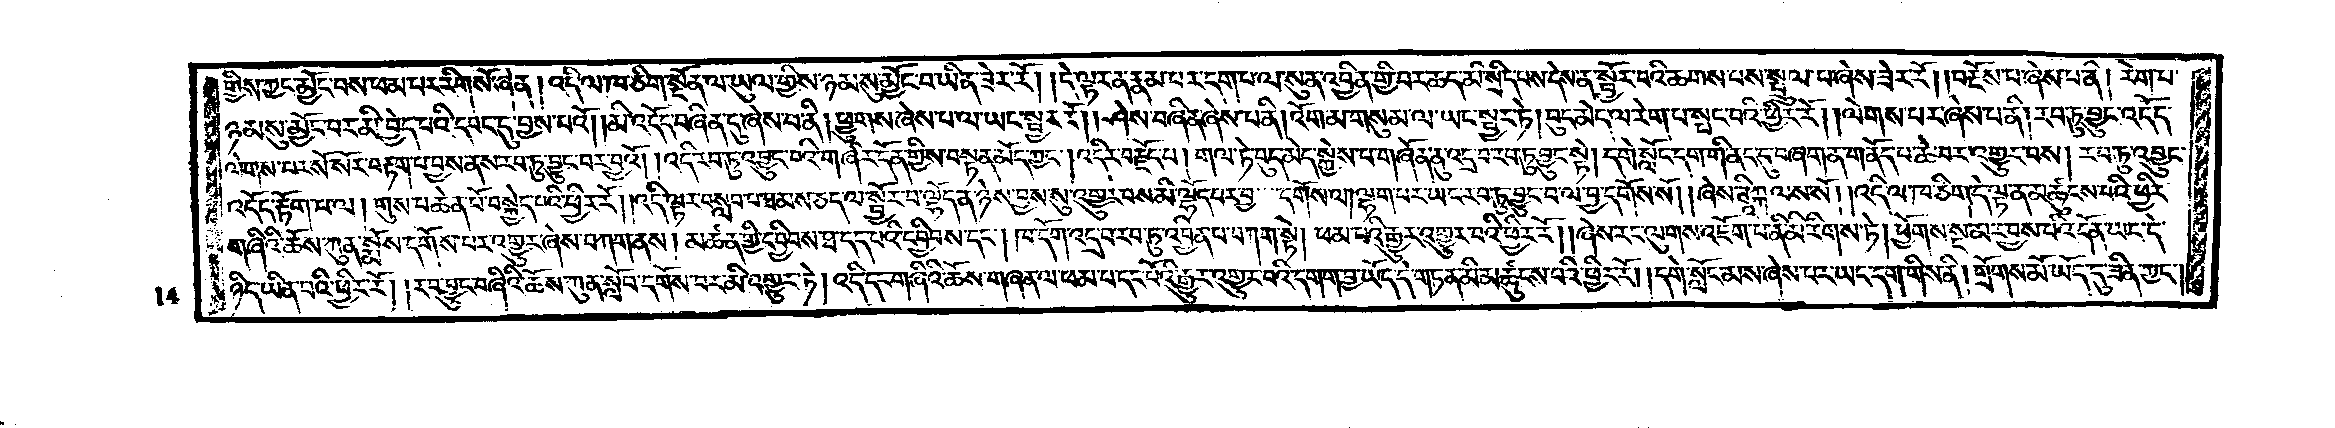གྱིས་ཀྱང་མྱོང་བས་ཕམ་པར་རིགས་སོ་ཞེ་ན། འདི་ལ་ཁ་ཅིག་སྔོན་ལ་ཡུལ་གྱིས་ཉམས་སུ་མྱོང་བ་ཡིན་ཟེར་རོ། །དེ་ལྟར་ན་རྣམ་པར་དག་པ་ལ་སུན་འབྱིན་གྱི་བར་ཆད་མི་སྲིད་པས་དེས་ན་སྦྱོར་བའི་ཆགས་པས་སྤྲུལ་པ་ཞེས་ཟེར་རོ། །བརྔོས་པ་ཞེས་པ་ནི། རེག་པ་
ཉམས་སུ་མྱོང་བར་མི་བྱེད་པའི་དབང་དུ་བྱས་པའོ། །མི་འདོད་བཞིན་དུ་ཞེས་པ་ནི། ཕྱུགས་ཞེས་པ་ལ་ཡང་སྦྱར་རོ། །ཤེས་བཞིན་ཞེས་པ་ནི། འོག་མ་གསུམ་ལ་ཡང་སྦྱར་ཏེ། བུད་མེད་ལ་རེག་པ་སྤང་བའི་ཕྱིར་རོ། །ལེགས་པར་ཞེས་པ་ནི། རབ་ཏུ་བྱུང་འདོད་
ལེགས་པར་སོ་སོར་བརྟག་པ་བྱས་ནས་རབ་ཏུ་བྱུང་བར་བྱའོ། །འདི་རབ་ཏུ་འབྱུང་བའི་གཞིར་དོན་གྱིས་བསྟན་མོད་ཀྱང་། འདིར་བརྗོད་པ། གལ་ཏེ་བུད་མེད་སྐྱེས་པ་གཞོན་ནུ་འདྲ་བ་རབ་ཏུ་བྱུང་སྟེ། དགེ་སློང་དག་གི་ནང་དུ་བཞག་ན་གནོད་པ་ཆེ་བར་འགྱུར་བས། རབ་ཏུ་འབྱུང་
འདོད་རྟོག་པ་ལ། གུས་པ་ཆེན་པོ་བསྐྱེད་པའི་ཕྱིར་རོ། །འདི་ལྟར་བསླབ་པ་ཐམས་ཅད་ལ་སྦྱོར་བ་ལྷོད་ན་ཉེས་བྱས་སུ་འགྱུར་བས་མི་ལྷོད་པར་བྱ་དགོས་ལ། ལྷག་པར་ཡང་རབ་ཏུ་བྱུང་བ་ལ་བྱ་དགོས་སོ། །ཞེས་ཊཱིཀྐ་ལས་སོ། །འདི་ལ་ཁ་ཅིག་དེ་ལྟ་ན་མཚུངས་པའི་ཕྱིར་
གཞིའི་ཆོས་ཀུན་སྨིས་དགོས་པར་འགྱུར་ཞེས་བཀག་ནས། མཚན་གྱི་དབྱིབས་ཐ་དད་པའི་དབྱིབས་དང་། ཁ་དོག་འདྲ་བ་རབ་ཏུ་འབྱིན་པ་བཀག་སྟེ། ཕམ་པའི་རྒྱུར་འགྱུར་བའི་ཕྱིར་རོ། །ཞེས་རང་ལུགས་འཇོག་པ་ནི་མི་རིགས་ཏེ། ཕྱོགས་སྔ་མར་བྱས་པའི་དོན་ཡང་དེ་
ཉིད་ཡིན་པའི་ཕྱིར་རོ། །རབ་བྱུང་བཞིའི་ཆོས་ཀུན་སློབ་དགོས་པར་མི་འགྱུར་ཏེ། འདི་དང་གཞིའི་ཆོས་གཞན་ལ་ཕམ་པ་དང་པོའི་རྒྱུར་འགྱུར་བའི་དགག་བྱ་ཡོད་དེ་གཏན་མི་མཚུངས་པའི་ཕྱིར་རོ། །དགེ་སློང་མས་ཞེས་པར་ཡང་དག་གིས་ནི། གྲོགས་མོ་ཡོད་དུ་ཟིན་ཀྱང་།